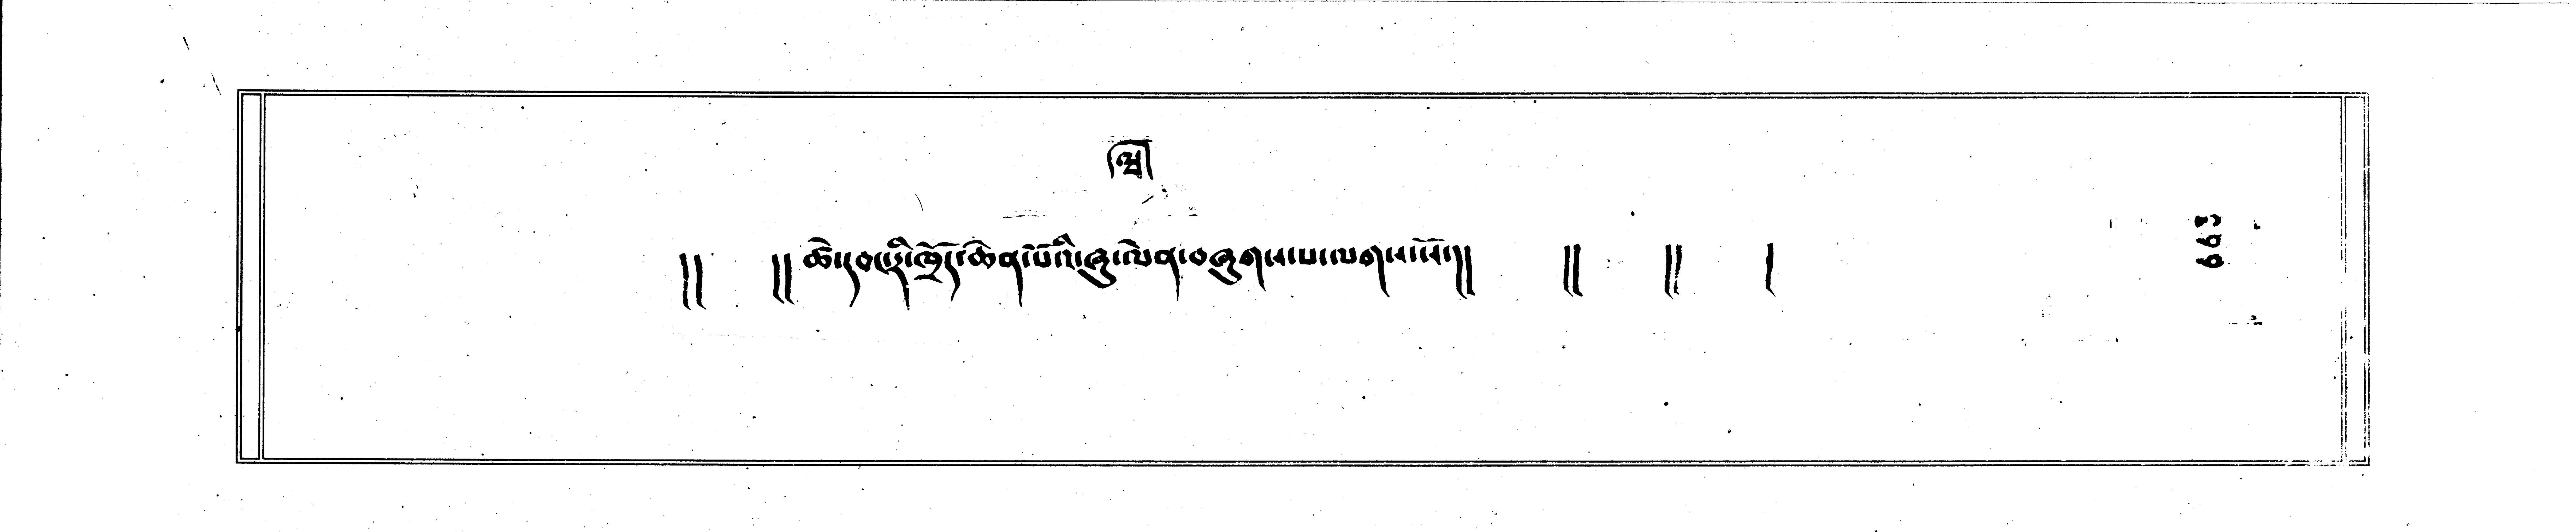༼ཝ༽།།ཚེ་དབང་རི་ཁྲོད་ཆེན་པོའི་ཞུ་ལེན་བཞུགས་པ་ལགས་སོ།། །།